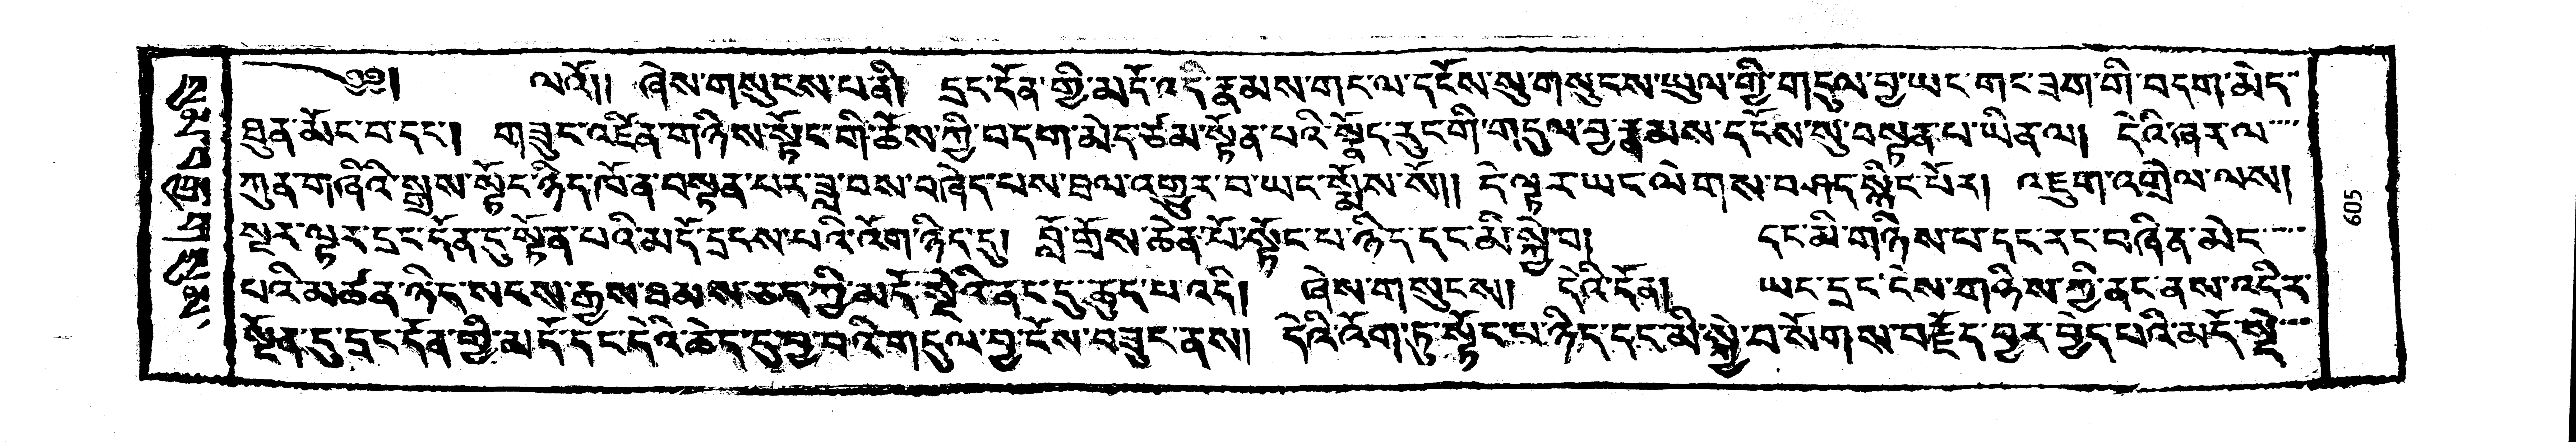༄༅། །ལའོ། །ཞེས་གསུངས་པ་ནི། དྲང་དོན་གྱི་མདོ་འདི་རྣམས་གང་ལ་དངོས་སུ་གསུངས་ཡུལ་གྱི་གདུལ་བྱ་ཡང་གང་ཟག་གི་བདག་མེད་
ཐུན་མོང་བ་དང་། གཟུང་འཛིན་གཉིས་སྟོང་གི་ཆོས་ཀྱི་བདག་མེད་ཙམ་སྟོན་པའི་སྣོད་རུང་གི་གདུལ་བྱ་རྣམས་དངོས་སུ་བསྟན་པ་ཡིན་ལ། དེའི་ཞར་ལ་
ཀུན་གཞིའི་སྒྲས་སྟོང་ཉིད་ཁོ་ན་བསྟན་པར་ཟླ་བས་བཞེད་པས་ཐལ་འགྱུར་བ་ཡང་སྨོས་སོ། །དེ་ལྟར་ཡང་ལེགས་བཤད་སྙིང་པོར། འཇུག་འགྲེལ་ལས།
སྔར་ལྟར་དྲང་དོན་དུ་སྟོན་པའི་མདོ་དྲངས་པའི་འོག་ཉིད་དུ། བློ་གྲོས་ཆེན་པོ་སྟོང་པ་ཉིད་དང་མི་སྐྱེ་བ། དང་མི་གཉིས་པ་དང་རང་བཞིན་མེད་
པའི་མཚན་ཉིད་སངས་རྒྱས་ཐམས་ཅད་ཀྱི་མདོ་སྡེའི་ནང་དུ་ཆུད་པ་འདི། ཞེས་གསུངས། དེའི་དོན། ཡང་དྲང་ངེས་གཉིས་ཀྱི་ནང་ནས་འདིར་
སྔོན་དུ་དྲང་དོན་གྱི་མདོ་དང་དེའི་ཆེད་དུ་བྱ་བའི་གདུལ་བྱ་ངོས་བཟུང་ནས། དེའི་འོག་ཏུ་སྟོང་པ་ཉིད་དང་མི་སྐྱེ་བ་སོགས་བརྗོད་བྱར་བྱེད་པའི་མདོ་སྡེ་